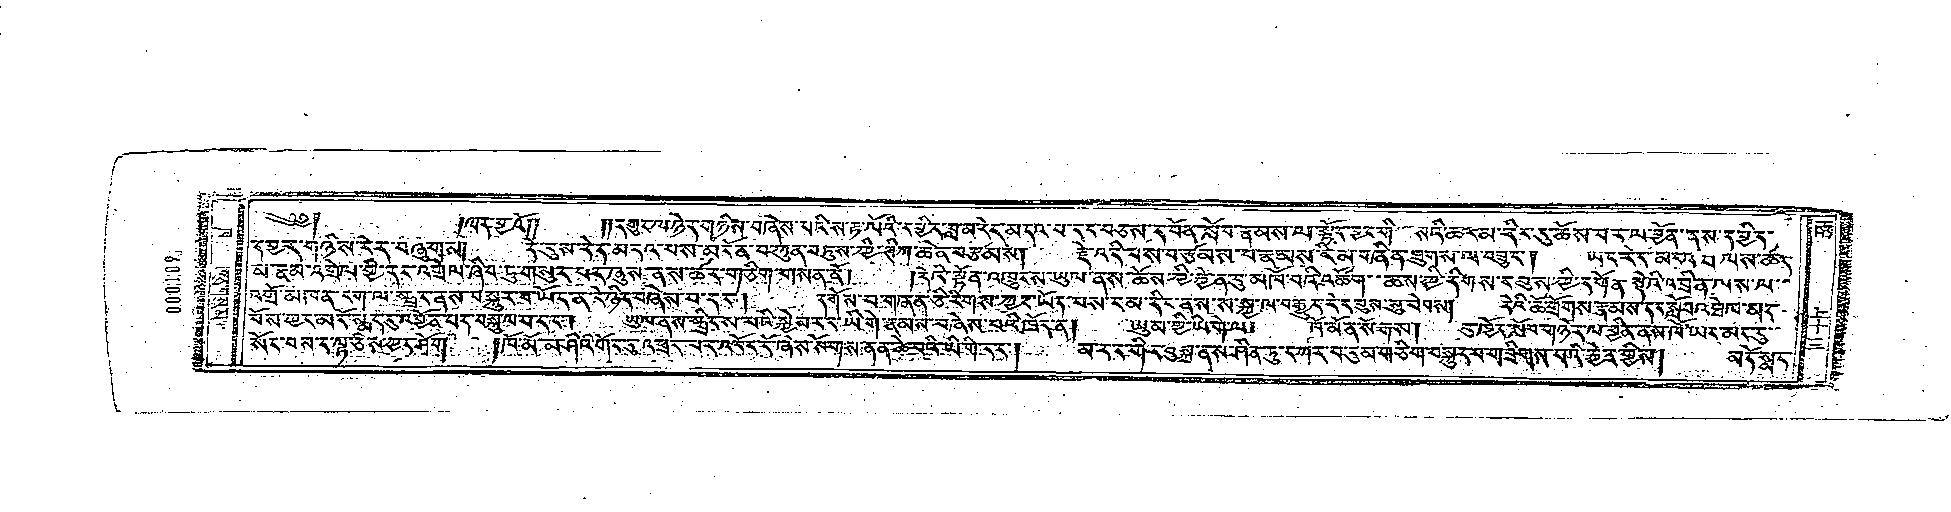༄༅། །ལར་བྱའོ།། །།དགུང་ལ་ཉེར་གཉིས་བཞེས་པའི་ས་རྟ་ལོའི་དཔྱིད་བླ་མ་རེད་མདའ་བ་དང་བཅས་དབོན་སློབ་རྣམས་ལ་སྟོང་བྱང་གི་སའི་ཆར་མ་རིང་དུ་ཆོས་བར་ལ་བྱོན་ནས་དཔྱིད་
དབྱར་གཉིས་དེར་བཞུགས། དེ་དུས་རེད་མདའ་པས་མདོན་པ་ཀུན་བཏུས་ཀྱི་ཊིཀ་ཆེན་བརྩམས། རྗེ་འདི་པས་བརྩམས་པ་རྣམས་རིམ་བཞིན་ཐུགས་ལ་བཟུང་། ཡང་རེར་མདའ་བ་ལས་ཚད་
མ་རྣམ་འགྲེལ་གྱི་རང་འགྲེལ་ཞིབ་ཏུ་གསུང་པར་ཞུས་ནས་ཚར་གཅིག་གསན་ནོ། །དེའི་སྟོན་འཁྲུངས་ཡུལ་ནས་ཆོས་ཀྱི་རྐྱེན་དུ་མཁོ་བའི་འཆོག་ཆས་ཀྱི་རིགས་དབུས་ཀྱི་དགོན་སྡེའི་འཕྲིན་ལས་ལ་
འགྲོ་མཁན་ངག་ལ་སྤྲང་ནས་བསྐུར་བ་ཡོད་ན་དེ་ཉིད་བཞེས་བ་དང་། དགོས་པ་གཞན་ཅི་རིགས་ཀྱང་ཡོད་པས་དམ་རིང་ནས་ས་སྐྱ་ལ་བརྒྱུད་དེ་དབུས་སུ་ཕེབས། དེའི་ཆོ་གྲོགས་རྣམས་དང་སློབ་འཐེལ་མང་
པོས་ཀྱང་མདོ་སྨད་དུ་འབྱོན་པར་བསྐུལ་བ་དང་། ཡུལ་ནས་སྤྲིངས་པའི་སྐྱེས་རང་ཡི་གེ་རྣམས་བཞེས་པའི་ཁྲོད་ན། ཡུམ་གྱི་ཡི་གེ་ལ། ཁོ་མོ་ན་སོ་རྒས། བུ་ཁྱོད་སློབ་གཉེར་ལ་ཕྱིན་ནས་ཁོ་ཡང་མང་དུ་
སོང་བས་ད་ལྟ་ཅིས་ཀྱང་ཤོག །ཁོ་མོ་མ་ཤིའི་གོང་དུ་འཕྲད་པར་འདོང་དོ་ཞེས་སོགས་ནན་ཆེ་བའི་ཡི་གེ་དང་། མ་རང་གི་དབུ་སྐྲ་ནས་ཤིན་ཏུ་དཀར་བ་དུམ་གཅིག་བསྐུར་བ་གཟིགས་པའི་རྐྱེན་གྱིས། མདོ་སྨད་